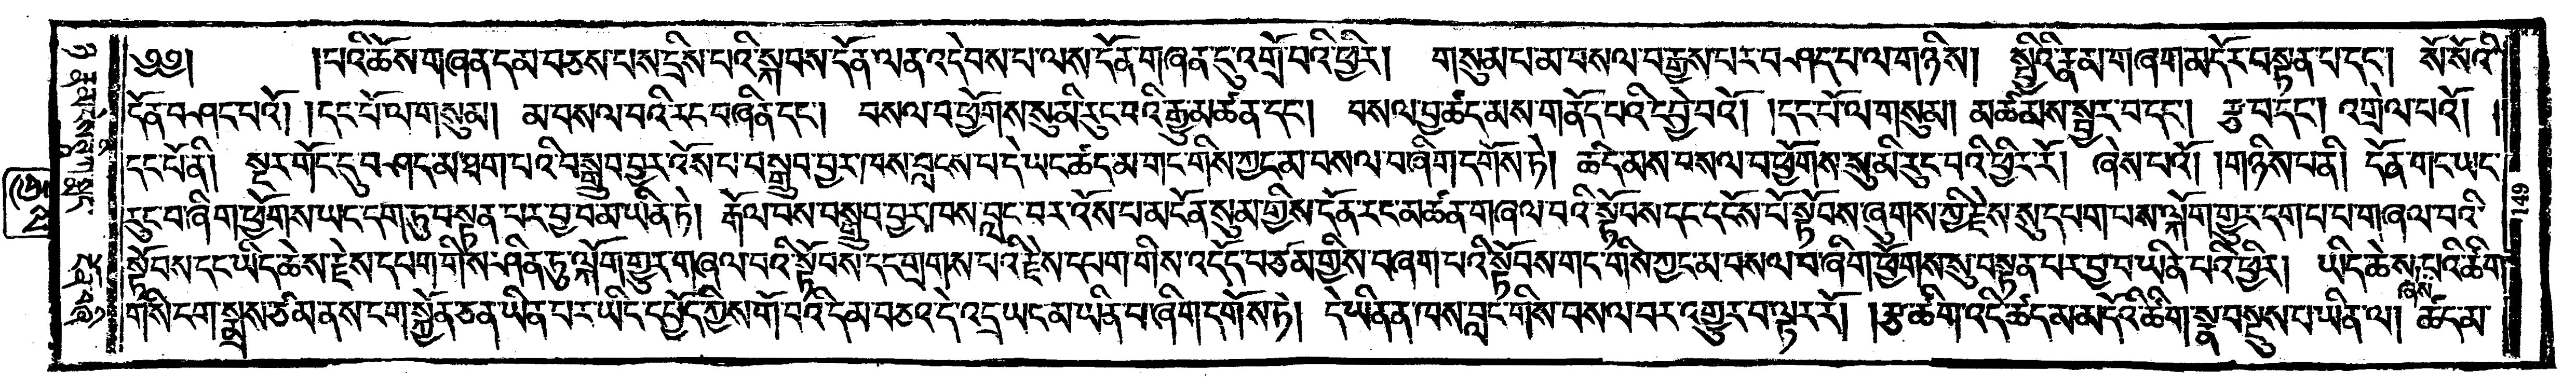༄༅། །པའི་ཆོས་གཞན་དམ་བཅས་པས་དྲིས་པའི་སྐབས་དོན་ལན་འདེབས་པ་ལས་དོན་གཞན་དུ་འགྲོ་བའི་ཕྱིར། གསུམ་པ་མ་བསལ་བ་རྒྱས་པར་བཤད་པ་ལ་གཉིས། སྤྱིའི་རྣམ་གཞག་མདོར་བསྟན་པ་དང་། སོ་སོའི་
དོན་བཤད་པའོ། །དང་པོ་ལ་གསུམ། མ་བསལ་བའི་རང་བཞིན་དང་། བསལ་བ་ཕྱོགས་སུ་མི་རུང་བའི་རྒྱུ་མཚན་དང་། བསལ་བྱ་ཚད་མས་གནོད་པའི་དབྱེ་བའོ། །དང་པོ་ལ་གསུམ། མཚམས་སྦྱར་བ་དང་། རྩ་བ་དང་། འགྲེལ་པའོ། །
དང་པོ་ནི། སྔར་གོང་དུ་བཤད་མ་ཐག་པའི་བསྒྲུབ་བྱར་འོས་པ་བསྒྲུབ་བྱར་ཁས་བླངས་པ་དེ་ཡང་ཚད་མ་གང་གིས་ཀྱང་མ་བསལ་བ་ཞིག་དགོས་ཏེ། ཚད་མས་བསལ་བ་ཕྱོགས་སུ་མི་རུང་བའི་ཕྱིར་རོ། ཞེས་པའོ། །གཉིས་པ་ནི། དོན་གང་ཡང་
རུང་བ་ཞིག་ཕྱོགས་ཡང་དག་ཏུ་བསྟན་པར་བྱ་བ་མ་ཡིན་ཏེ། རྒོལ་བས་བསྒྲུབ་བྱར་ཁས་བླང་བར་འོས་པ་མངོན་སུམ་གྱིས་དོན་རང་མཚན་གཞལ་བའི་སྟོབས་དང་དངོས་པོ་སྟོབས་ཞུགས་ཀྱི་རྗེས་སུ་དཔག་པས་ལྐོག་གྱུར་དག་པ་པ་གཞལ་བའི་
སྟོབས་དང་ཡིད་ཆེས་རྗེས་དཔག་གིས་ཤིན་ཏུ་ལྐོག་གྱུར་གཞལ་བའི་སྟོབས་དང་གྲགས་པའི་རྗེས་དཔག་གིས་འདོད་པ་ཙམ་གྱིས་བཞག་པའི་སྟོབས་གང་གིས་ཀྱང་མ་བསལ་བ་ཞིག་ཕྱོགས་སུ་བསྟན་པར་བྱ་བ་ཡིན་པའི་ཕྱིར། ཡིད་ཆེས་ཞས་བའི་ཚིག་
གིས་ངག་སྨྲས་ཙམ་ནས་ངག་སྐྱོན་ཅན་ཡིན་པར་ཡིད་དཔྱོད་ཀྱིས་གོ་བའི་དམ་བཅའ་དེ་འདྲ་ཡང་མ་ཡིན་པ་ཞིག་དགོས་ཏེ། དེ་ཡིན་ན་ཁས་བླང་གིས་བསལ་བར་འགྱུར་བ་ལྟར་རོ། །རྩ་ཚིག་འདི་ཚད་མ་མདོའི་ཚིག་སྣ་བསྡུས་པ་ཡིན་ལ། ཚད་མ་